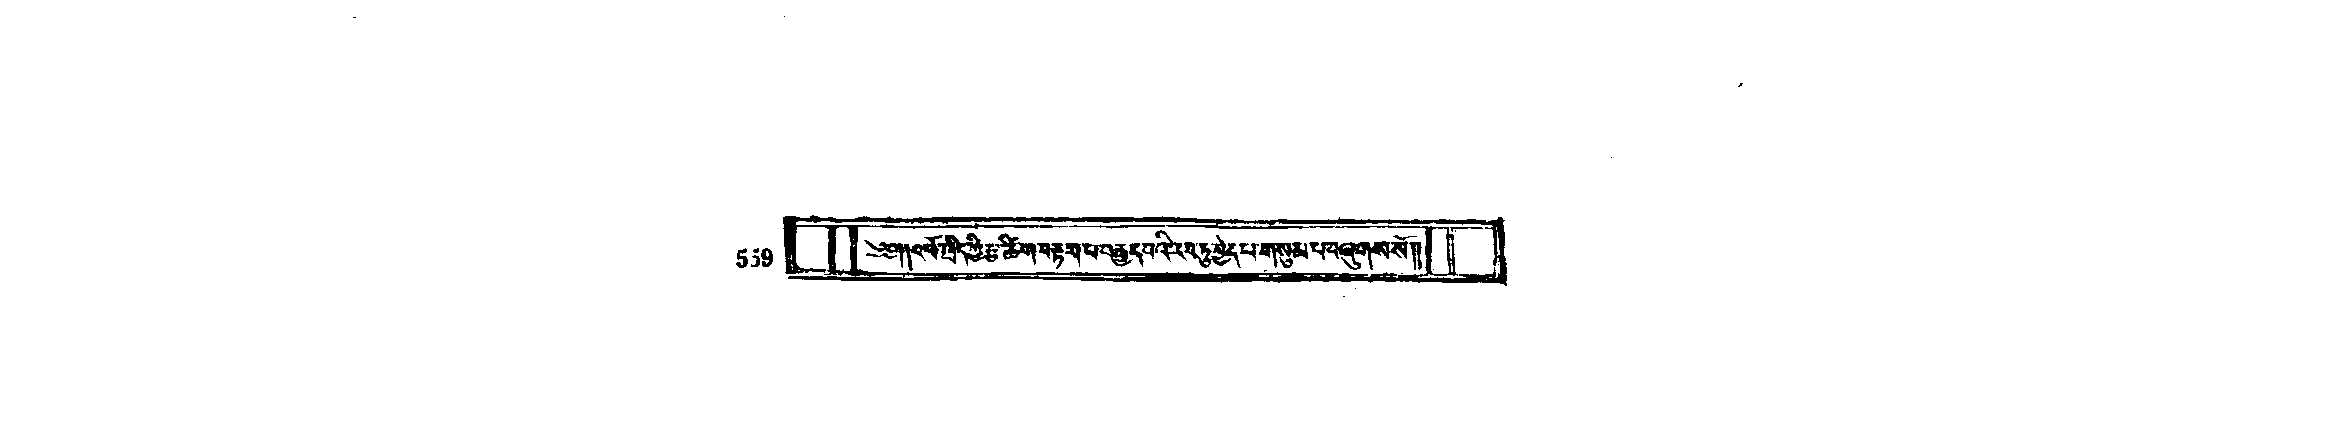༄༅། །འཕོ་ཁྲིད་ཀྱི་རྩ་ཚིག་བརྟག་པ་བརྒྱད་པའི་རབ་ཏུ་བྱེད་པ་གསུམ་པ་བཞུགས་སོ། །